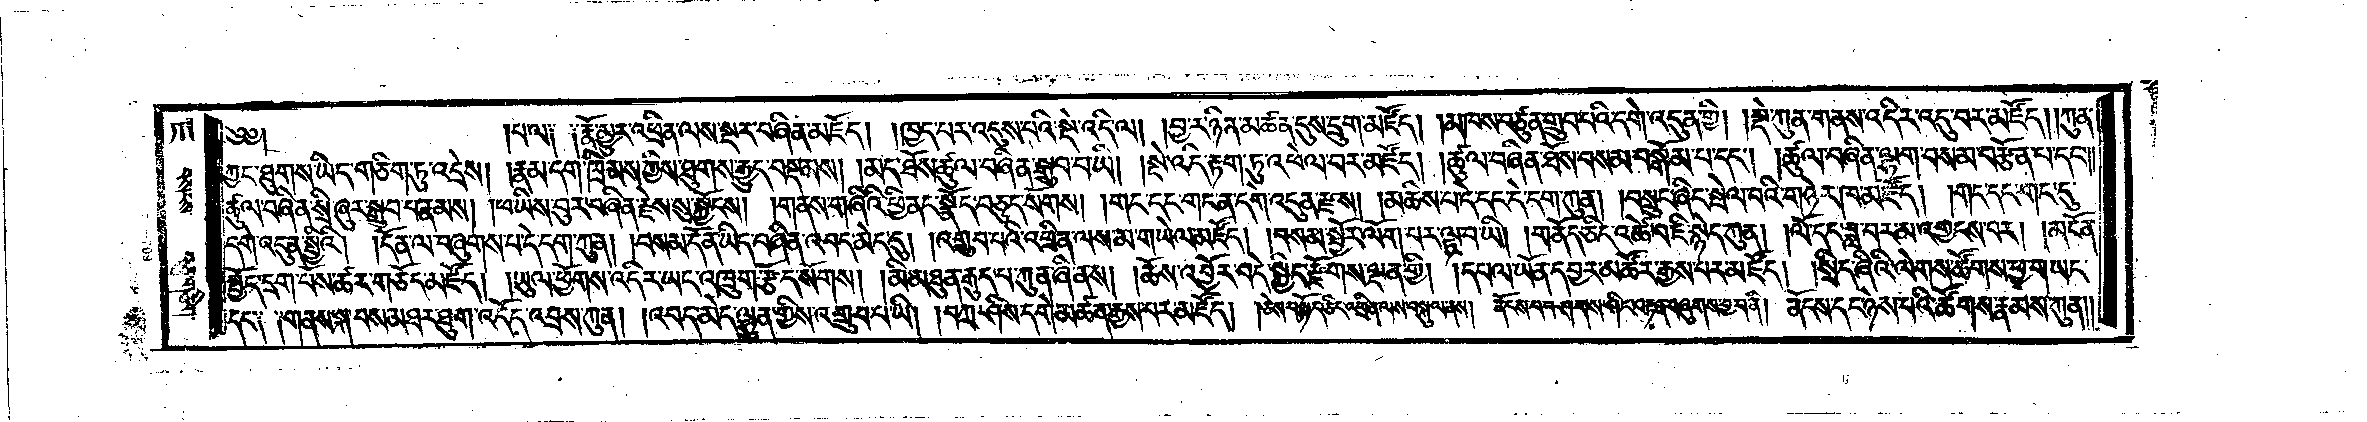༄༅། །པ་ལ༑ ༑རྣོ་མྱུར་འཕྲིན་ལས་སྔར་བཞིན་མཛོད། །ཁྱད་པར་འདུས་པའི་སྡེ་འདི་ལ། །བྱ་ར་ཉིན་མཚན་དུས་དྲུག་མཛོད། །མཁས་བཙུན་གྲུབ་པའི་དགེ་འདུན་གྱི། །སྡེ་ཀུན་གནས་འདིར་འདུ་བར་མཛོད། །ཀུན་
ཀྱང་ཐུགས་ཡིད་གཅིག་ཏུ་འདྲེས། །རྣམ་དག་ཁྲིམས་ཀྱིས་ཐུགས་རྒྱུད་བསྔམས། །མང་ཐོས་ཚུལ་བཞིན་སྒྲུབ་པ་ཡི། །སྡེ་འདི་རྟག་ཏུ་འཕེལ་བར་མཛོད། །ཚུལ་བཞིན་ཐོས་བསམ་བསྒོམ་པ་དང་། །ཚུལ་བཞིན་ལྷག་བསམ་བརྩོན་པ་དང་།
ཚུལ་བཞིན་སྲི་ཞུར་སྒྲུབ་པ་རྣམས། །ཕ་ཡིས་བུར་བཞིན་རྗེས་སུ་སྐྱོངས། །གནས་གཞིའི་ཕྱི་ནང་སྣོད་བཅུད་སོགས། །གང་དང་གང་ན་དགེ་འདུན་རྫས། །མཆིས་བདེ་དང་དེ་དག་ཀུན། །བསྲུང་ཞིང་སྤེལ་བའི་གཉེར་ཁ་མཛོད། །གང་དང་གང་དུ་
དགེ་འདུན་སྤྱིའི། །དོན་ལ་བཞུགས་པ་དེ་དག་ཀུན། །བསམ་དོན་ཡིད་བཞིན་འབད་མེད་དུ། །འགྲུབ་པའི་འཕྲིན་ལས་མ་གཡེལ་མཛོད། །བསམ་སྦྱོར་ལོག་པར་ལྟ་བ་ཡི། །གནོད་ཅིང་འཚེ་བ་ཇི་སྙེད་ཀུན། །ལོ་དང་ཟླ་བར་མ་འགྱངས་པར། །མངོན་
སྤྱོད་དྲག་པོས་ཚར་གཅོད་མཛོད། །ཡུལ་ཕྱོགས་འདིར་ཡང་འཁྲུགས་རྩོད་སོགས། །མི་མཐུན་རྒུད་པ་ཀུན་ཞི་ནས། །ཆོས་འབྱོར་བདེ་སྐྱིད་རྫོགས་ལྡན་གྱི། །དཔལ་ཡོན་དབྱར་མཚོར་རྒྱས་པར་མཛོད། །སྲིད་ཞིའི་ལེགས་ཚོགས་ཕྱྭ་གཡང་
དང༑ ༑གནས་སྐབས་མཐར་ཐུག་འདོད་འབྲས་ཀུན། །འབད་མེད་ལྷུན་གྱིས་འགྲུབ་པ་ཡི། །བཀྲ་ཤིས་དགེ་མཚན་རྒྱས་པར་མཛོད། །ཅེས་བསྟད་ཅིང་འཕྲིན་ལས་བསྐུལ་ནས། ནོངས་པ་བཤགས་ཤིང་བརྟན་བཞུགས་བྱ་བ་ནི།  ནོངས་དང་ཉེས་པའི་ཚོགས་རྣམས་ཀུན།།